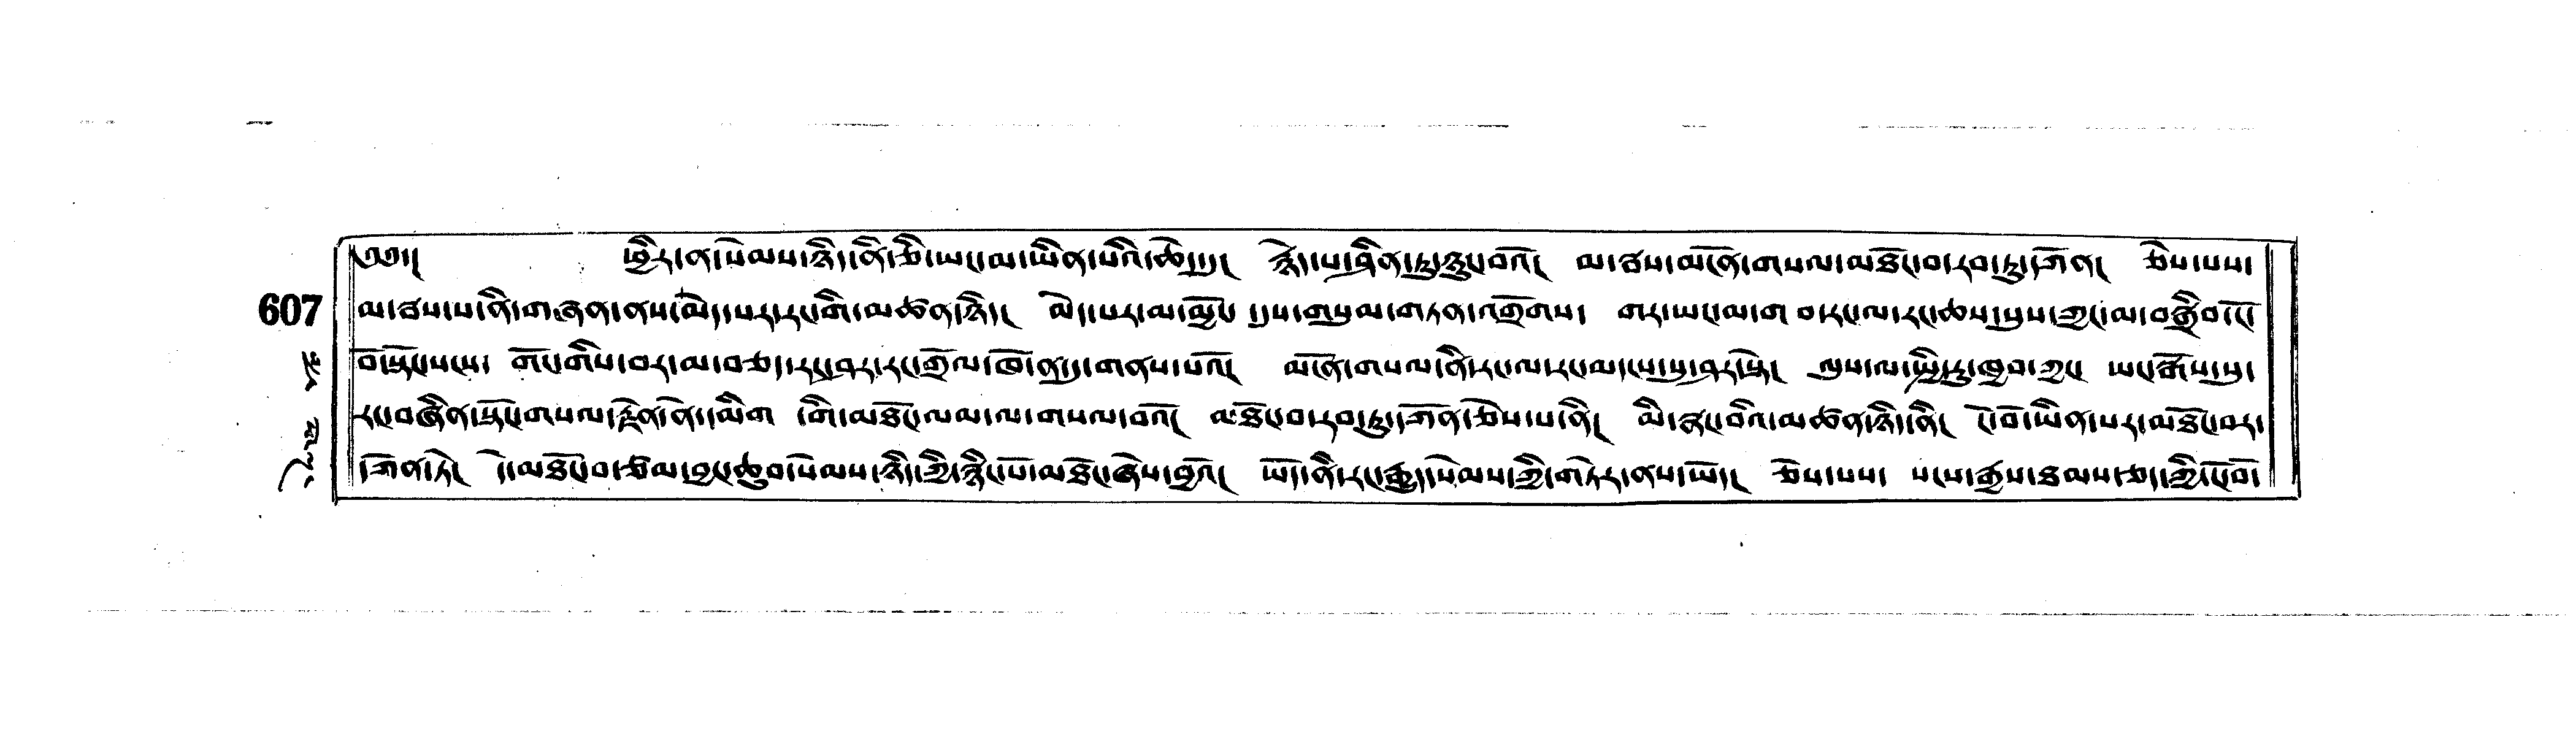ཕྱིར་ན་སེམས་ཉིད་ཅི་ཡང་མ་ཡིན་པའི་ཆེད་དུ། རྙེད་པ་ཤིན་ཏུ་ཉུང་བའོ། མ་སྦས་མངོན་གསལ་མཐོང་བ་རབ་ཏུ་དཀོན། ཅེས་པས་
མ་སྦས་པ་ནི་གཞན་ནས་མེད་པར་རང་གི་མཚན་ཉིད། མེད་པར་མ་མྱོང་དུས་གསུམ་གཏན་འགྲོགས། གར་ཡང་མ་གབ་རང་ལ་རང་ཆས་སུས་ཀྱང་མ་བསྒྲིབ་ངོ་
བོ་སྟོང་སངས། གོང་གིས་བར་མ་བཅད་རང་ཤར་རང་གྲོལ་ཁོ་ན་དུ་གནས་པའོ། མངོན་གསལ་ནི་རང་ལ་རང་མདངས་སུ་ཤར་ཏེ། ལུས་ལ་སྤྱི་རུ་ཁྱབ་ཀྱང་། ཡང་སྒོས་སུ་
རང་བཞིན་སྟོང་གསལ་རྗེན་ནེ་མིག་གི་མཐོང་ལམ་ལ་གསལ་བའོ། མཐོང་བ་རབ་ཏུ་དཀོན། ཅེས་པ་ནི། མི་སྣང་བའི་མཚན་ཉིད་ནི། ངོ་བོ་ཡིན་པར་མཐོང་བར་
དཀོན་ཏེ། དེ་མཐོང་བ་ཙམ་བྱང་ཆུབ་སེམས་ཉིད་ཀྱི་སྙིང་པོ་མཐོང་ཞེས་བྱའོ། ཡོད་ནི་རང་རྒྱུད་སེམས་ཀྱི་གཏེར་ན་ཡོད། ཅེས་པས། སངས་རྒྱས་ཐམས་ཅད་ཀྱི་ངོ་བོ་